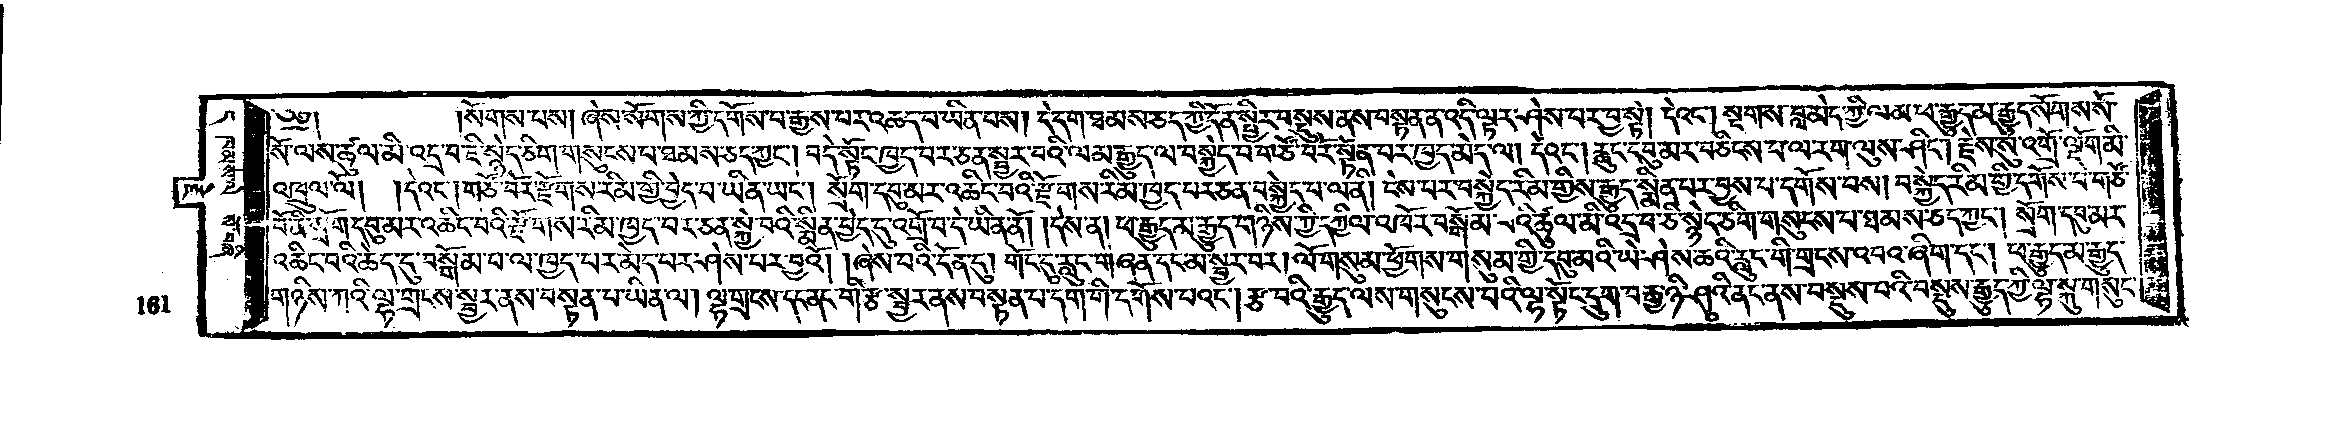༄༅། །སོགས་པས། ཞེས་སོགས་ཀྱི་དགོས་པ་རྒྱས་པར་འཆད་པ་ཡིན་པས། དེ་དག་ཐམས་ཅད་ཀྱི་དོན་སྤྱིར་བསྡུས་ནས་བསྟན་ན་འདི་ལྟར་ཤེས་པར་བྱ་སྟེ། དེའང་། སྔགས་བླ་མེད་ཀྱི་ལམ་ཕ་རྒྱུད་མ་རྒྱུད་སོགས་སོ་
སོ་ལས་ཚུལ་མི་འདྲ་བ་ཇི་སྙེད་ཅིག་གསུངས་པ་ཐམས་ཅད་ཀྱང་། བདེ་སྟོང་ཁྱད་པར་ཅན་སྦྱར་བའི་ལམ་རྒྱུད་ལ་བསྐྱེད་པ་གཙོ་བོར་སྟོན་པར་ཁྱད་མེད་ལ། དེའང་། རླུང་དབུ་མར་བཅིངས་པ་ལ་རག་ལུས་ཤིང་། རྗེས་སུ་འགྲོ་ལྡོག་མི་
འཁྲུལ་ལོ། །དེའང་། གཙོ་བོར་རྫོགས་རིམ་གྱི་བྱེད་པ་ཡིན་ཡང་། སྲོག་དབུ་མར་འཆིང་བའི་རྫོགས་རིམ་ཁྱད་པར་ཅན་བསྐྱེད་པ་ལ་ནི། ངེས་པར་བསྐྱེད་རིམ་གྱིས་རྒྱུད་སྨིན་པར་བྱས་པ་དགོས་པས། བསྐྱེད་རིམ་གྱི་དགོས་པ་གཙོ་
བོ་ནི་སྲོག་དབུ་མར་འཆིང་བའི་རྫོགས་རིམ་ཁྱད་པར་ཅན་སྐྱེ་བའི་སྨིན་བྱེད་དུ་འགྲོ་བ་དེ་ཡིན་ནོ། །དེས་ན། ཕ་རྒྱུད་མ་རྒྱུད་གཉིས་ཀྱི་དཀྱིལ་འཁོར་བསྒོམ་པའི་ཚུལ་མི་འདྲ་བ་ཅི་སྙེད་ཅིག་གསུངས་པ་ཐམས་ཅད་ཀྱང་། སྲོག་དབུ་མར་
འཆིང་བའི་ཆེད་དུ་བསྒོམ་པ་ལ་ཁྱད་པར་མེད་པར་ཤེས་པར་བྱའོ། །ཞེས་པའི་དོན་དུ། གོང་དུ་རླུང་གཞན་དང་མ་སྦྱར་བར། ལོ་གསུམ་ཕྱོགས་གསུམ་གྱི་དབུ་མའི་ཡེ་ཤེས་ཆའི་རླུང་གི་གྲངས་འབའ་ཞིག་དང་། ཕ་རྒྱུད་མ་རྒྱུད་
གཉིས་ཀའི་ལྷ་གྲངས་སྦྱར་ནས་བསྟན་པ་ཡིན་ལ། ལྷ་གྲངས་དང་ནང་གི་རྩ་སྦྱར་ནས་བསྟན་པ་དག་གི་དགོས་པའང་། རྩ་བའི་རྒྱུད་ལས་གསུངས་པའི་ལྷ་སྟོང་དྲུག་བརྒྱ་ཉི་ཤུའི་ནང་ནས་བསྡུས་པའི་བསྡུས་རྒྱུད་ཀྱི་ལྷ་སྐུ་གསུང་